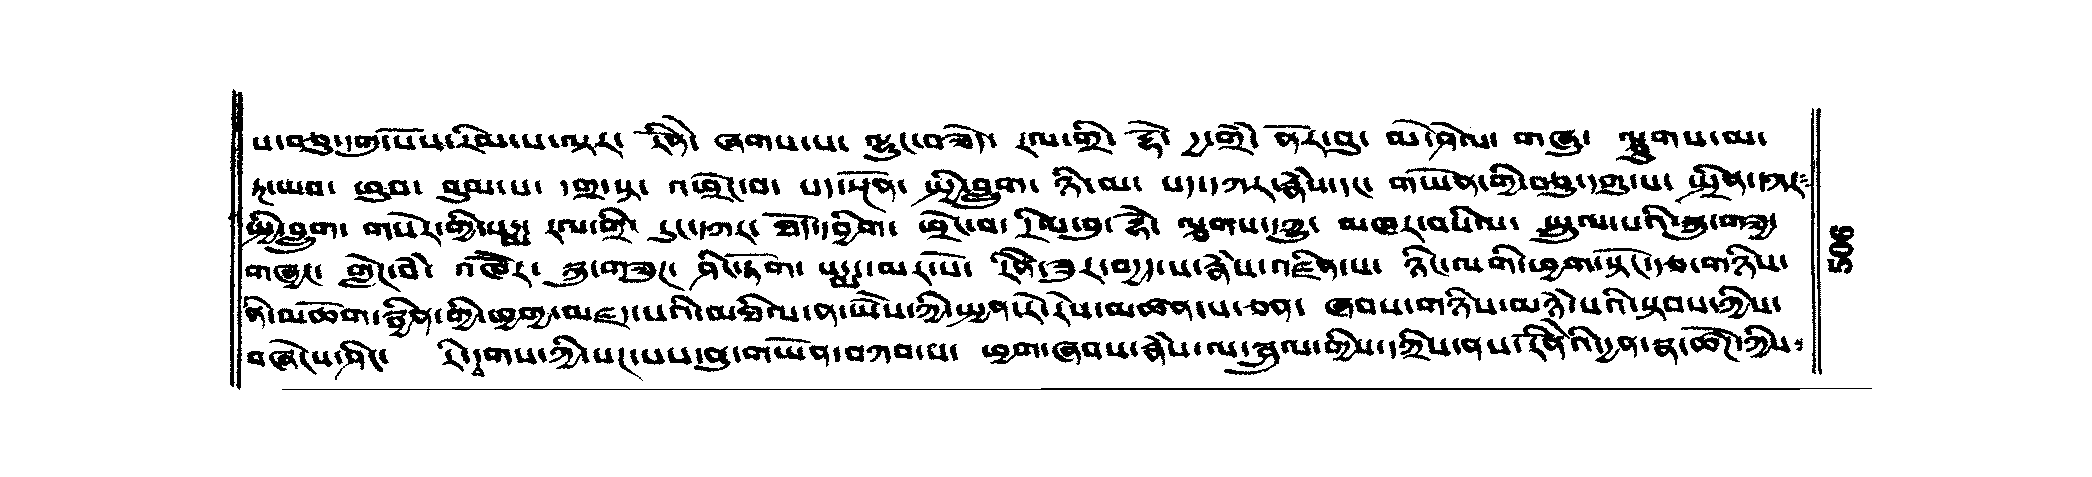པ་བཅུ་དགུ་པོས་རིམ་པ་ལྟར་རིན་ཆེན། ཞགས་པ། ལྷུང་བཟེད། རལ་གྲི། རྡོ་རྗེ། རྒྱ་གྲམ། ནོར་བུ། མེ་ཤེལ། གཞུ། ལྕུགས་མ། 
རྔ་ཡབ། ཕུབ། བུམ་པ། དགྲ་སྟ། འཕྲེང་བ། པད་སྔོན། སྤྱི་བླུག ཉི་མ། པད་དཀར་རྣམས་དང་། གཡོན་གྱི་བཅུ་དགུ་པ། སྤྲིན་དཀར། 
སྤྱི་བླུག གསེར་གྱི་པདྨ། རལ་གྲི། དུང་དཀར། ཐོད་དབྱུག འཕྲེང་བ། དྲིལ་བུ། རྡོ་རྗེ། ལྕགས་ཀྱུ། མཁར་གསིལ། སྤྲུལ་པའི་སྐུ་གཟུགས། 
གཞུང་། གླེགས་བམ། འཁོར་ལོ། སྐུ་གཟུགས། ཤིང་ཏོག པདྨ་དམར་པོ། རིན་ཆེན་ཟུར་བརྒྱད་པ་རྣམས་འཛིན་པ། ཉིང་ལག་གི་ཕྱག་སྟོང་རྩ་གཉིས་
ནི་མཆོག་སྦྱིན་གྱི་ཕྱག་རྒྱ་མཛད་པའི་མཐིལ་ན་ཡེ་ཤེས་ཀྱི་སྤྱན་རེ་རེས་མཚན་པ་ཅན། ཞབས་གཉིས་མཉམ་པའི་སྟབས་ཀྱིས་
བཞེངས་ཤིང་། རི་དྭགས་ཀྱི་པགས་པས་ནུ་གཡོན་བཀབ་པ།ཕྱག་ཞབས་རྣམས་ལ་སྦྲུལ་གྱིས་དཀྲིས་ནས་རིན་པོ་ཆེའི་རྒྱན་སྣ་ཚོགས་ཀྱིས་